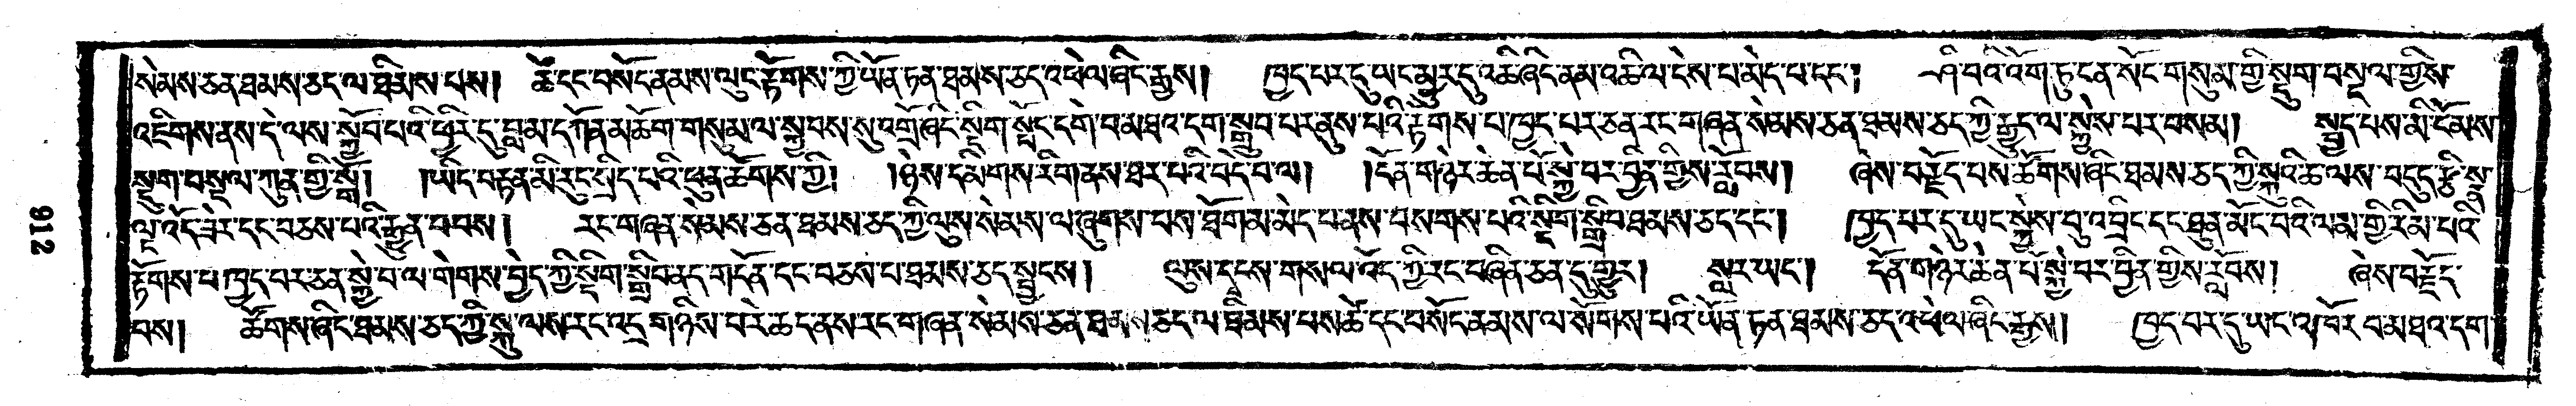སེམས་ཅན་ཐམས་ཅད་ལ་ཐིམས་པས། ཚེ་དང་བསོད་ནམས་ལུང་རྟོགས་ཀྱི་ཡོན་ཏན་ཐམས་ཅད་འཕེལ་ཞིང་རྒྱས། ཁྱད་པར་དུ་ཡང་མྱུར་དུ་འཆི་ཞིང་ནམ་འཆི་ལ་ངེས་པ་མེད་པ་དང་། ཤི་བའི་འོག་ཏུ་ངན་སོང་གསུམ་གྱི་སྡུག་བསྔལ་གྱིས་
འཇིགས་ནས་དེ་ལས་སྐྱོབ་པའི་ཕྱིར་དུ་བླ་མ་དཀོན་མཆོག་གསུམ་ལ་སྐྱབས་སུ་འགྲོ་ཞིང་སྡིག་སྤོང་དགེ་བ་མཐའ་དག་སྒྲུབ་པར་ནུས་པའི་རྟོགས་པ་ཁྱད་པར་ཅན་རང་གཞན་སེམས་ཅན་ཐམས་ཅད་ཀྱི་རྒྱུད་ལ་སྐྱེས་པར་བསམ། སྤྱད་པས་མི་ངོམས་
སྡུག་བསྔལ་ཀུན་གྱི་སྒོ། །ཡིད་བརྟན་མི་རུང་སྲིད་པའི་ཕུན་ཚོགས་ཀྱི། །ཉེས་དམིགས་རིག་ནས་ཐར་པའི་བདེ་བ་ལ། །དོན་གཉེར་ཆེན་པོ་སྐྱེ་བར་བྱིན་གྱིས་རློབས། ཞེས་བརྗོད་པས་ཚོགས་ཞིང་ཐམས་ཅད་ཀྱི་སྐུའི་ཆ་ལས་བདུད་རྩི་སྣ་
ལྔ་འོད་ཟེར་དང་བཅས་པའི་རྒྱུན་བབས། རང་གཞན་སེམས་ཅན་ཐམས་ཅད་ཀྱི་ལུས་སེམས་ལ་ཞུགས་པས་ཐོག་མ་མེད་པ་ནས་བསགས་པའི་སྡིག་སྒྲིབ་ཐམས་ཅད་དང་། ཁྱད་པར་དུ་ཡང་སྐྱེས་བུ་འབྲིང་དང་ཐུན་མོང་བའི་ལམ་གྱི་རིམ་པའི་
རྟོགས་པ་ཁྱད་པར་ཅན་སྐྱེ་བ་ལ་གེགས་བྱེད་ཀྱི་སྡིག་སྒྲིབ་ནད་གདོན་དང་བཅས་པ་ཐམས་ཅད་སྦྱངས། ལུས་དྭངས་གསལ་འོད་ཀྱི་རང་བཞིན་ཅན་དུ་གྱུར། སླར་ཡང་། དོན་གཉེར་ཆེན་པོ་སྐྱེ་བར་བྱིན་གྱིས་རློབས། ཞེས་བརྗོད་
པས། ཚོགས་ཞིང་ཐམས་ཅད་ཀྱི་སྐུ་ལས་རང་འདྲ་གཉིས་བ་རེ་ཆད་ནས་རང་གཞན་སེམས་ཅན་ཐམས་ཅད་ལ་ཐིམས་པས་ཚེ་དང་བསོད་ནམས་ལ་སོགས་པའི་ཡོན་ཏན་ཐམས་ཅད་འཕེལ་ཞིང་རྒྱས། ཁྱད་བར་དུ་ཡང་འཁོར་བ་མཐའ་དག་